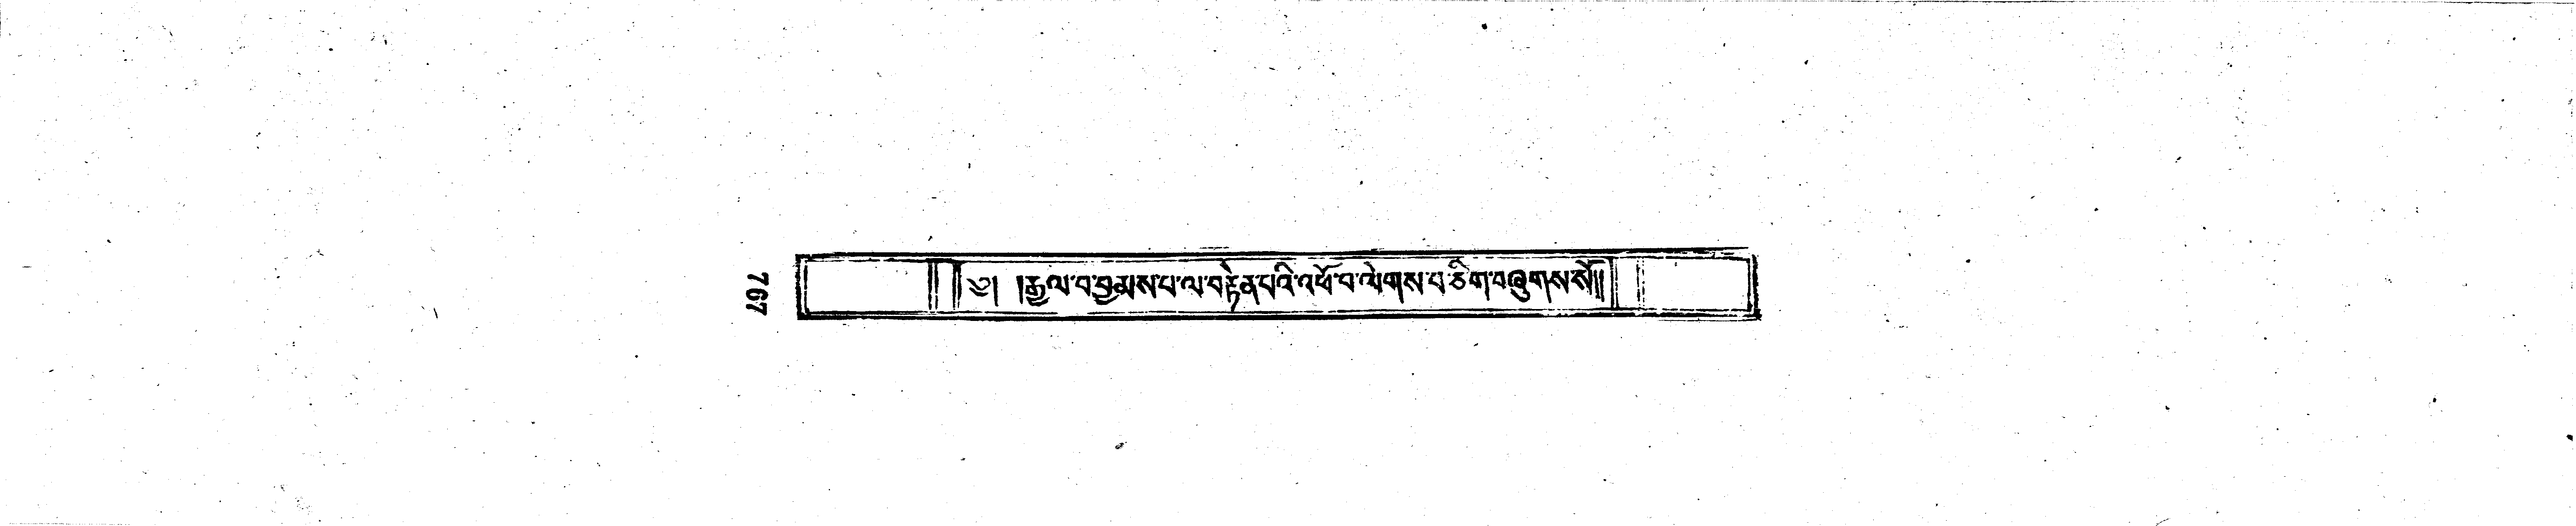༄༅། །རྒྱལ་བ་བྱམས་པ་ལ་བརྟེན་པའི་འཕོ་བ་ལེགས་པ་ཅིག་བཞུགས་སོ། །